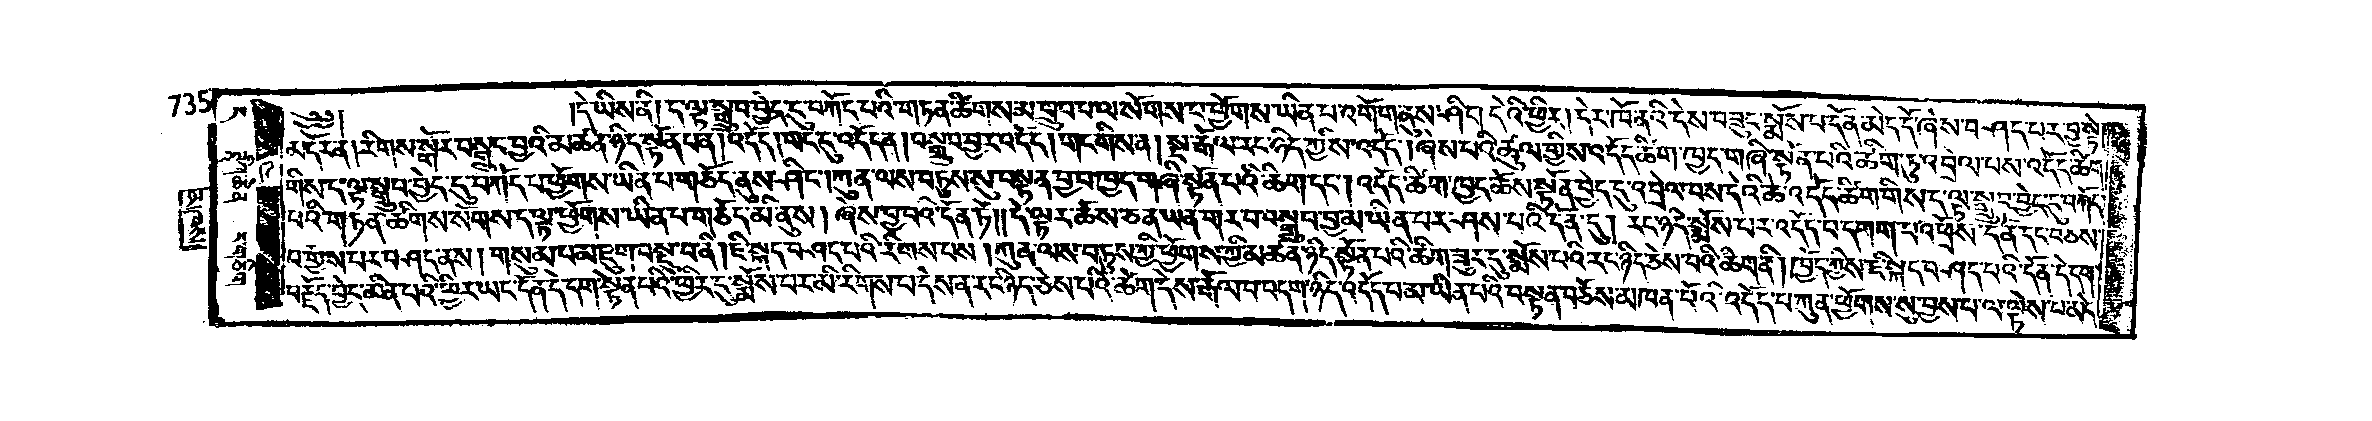༄༅། །དེ་ཡིས་ནི། ད་ལྟ་སྒྲུབ་བྱེད་དུ་བཀོད་པའི་གཏན་ཚིགས་མ་གྲུབ་པ་ལ་སོགས་པ་ཕྱོགས་ཡིན་པ་འགོག་ནུས་ཤིང་། དེའི་ཕྱིར། དེར་ཁོ་ནའི་དེས་བཟུང་སྨོས་པ་དོན་མེད་དོ་ཞེས་བཤད་པར་བྱ་སྟེ།
མདོར་ན། རིགས་སྒོར་བསྒྲུབ་བྱའི་མཚན་ཉིད་སྟོན་པ་ན། འདོད། གང་དུ་འདོད་ན། བསྒྲུབ་བྱར་འདོད། གང་གིས་ན། སྔ་རྒོལ་རང་ཉིད་ཀྱིས་འདོད། ཞེས་པའི་ཚུལ་གྱིས་འདོད་ཚིག་ཁྱད་གཞི་སྟོན་པའི་ཚིག་ཏུ་འབྲེལ་པས་འདོད་ཚིག་
གིས་ད་ལྟ་སྒྲུབ་བྱེད་དུ་བཀོད་པ་ཕྱོགས་ཡིན་པ་གཅོད་ནུས་ཤིང་། ཀུན་ལས་བཏུས་སུ་བསྟན་བྱ་བ་ཁྱད་གཞི་སྟོན་པའི་ཚིག་དང་། འདོད་ཚིག་ཁྱད་ཆོས་སྟོན་བྱེད་དུ་འབྲེལ་བས་དེའི་ཚེ་འདོད་ཚིག་གིས་ད་ལྟ་སྒྲུབ་བྱེད་དུ་བཀོད་
པའི་གཏན་ཚིགས་སོགས་ད་ལྟ་ཕྱོགས་ཡིན་པ་གཅོད་མི་ནུས། ཞེས་བྱ་བའི་དོན་ཏོ། །དེ་ལྟར་ཆོས་ཅན་ཡན་གར་བ་བསྒྲུབ་བྱ་མ་ཡིན་པར་ཤེས་པའི་དོན་དུ། རང་ཉིད་སྨོས་པར་འདོད་པ་དགག་པ་འཕྲོས་དོན་དང་བཅས་
པ་རྒྱས་པར་བཤད་ནས། གསུམ་པ་མཇུག་བསྡུ་བ་ནི། ཇི་སྐད་བཤད་པའི་རིགས་པས། ཀུན་ལས་བཏུས་ཀྱི་ཕྱོགས་ཀྱི་མཚན་ཉིད་སྟོན་པའི་ཚིག་ཟུར་དུ་སྨོས་པའི་རང་ཉིད་ཅེས་པའི་ཚིག་ནི། ཁྱོད་ཀྱིས་ཇི་སྐད་བཤད་པའི་དོན་དེ་དག་
བརྗོད་བྱེད་མིན་པའི་ཕྱིར་ཡང་དོན་དེ་དག་སྟོན་པའི་ཕྱིར་དུ་སྨོས་པར་མི་རིགས་པ་དེས་ན་རང་ཉིད་ཅེས་པའི་ཚིག་དེས་རྒོལ་བ་བདག་ཉིད་འདོད་པ་མ་ཡིན་པའི་བསྟན་བཅོས་མཁན་པོའི་འདོད་པ་ཀུན་ཕྱོགས་སུ་བྱས་པ་ལ་ལྟོས་པ་མེད་